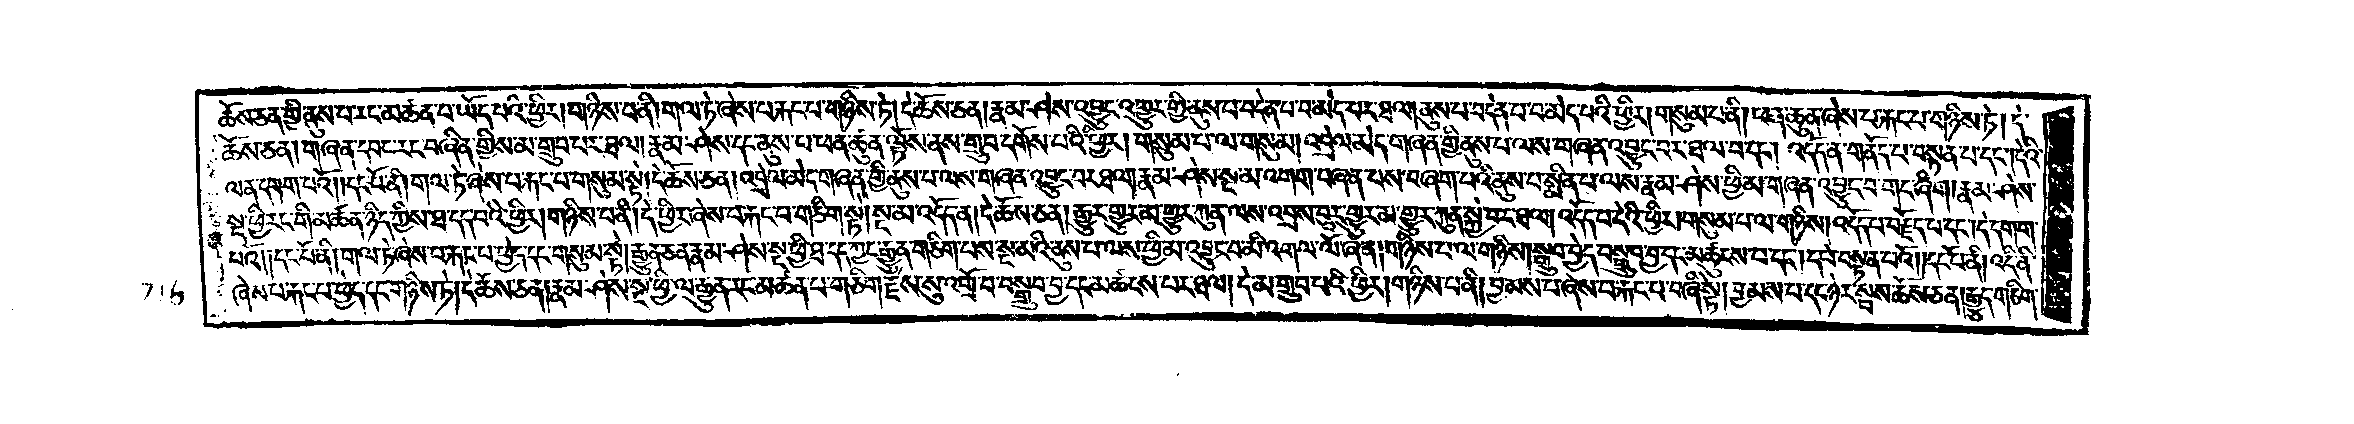ཆོས་ཅན་གྱི་ནུས་པ་རང་མཚན་པ་ཡོད་པའི་ཕྱིར། གཉིས་པ་ནི། གལ་ཏེ་ཞེས་པ་རྐང་པ་གཉིས་ཏེ། དེ་ཆོས་ཅན། རྣམ་ཤེས་འབྱུང་འགྱུར་གྱི་ནུས་པ་བདེན་པ་བ་མེད་པར་ཐལ། ནུས་པ་བདེན་པ་བ་མེད་པའི་ཕྱིར། གསུམ་པ་ནི། ཕན་ཚུན་ཞེས་པ་རྐང་པ་གཉིས་ཏེ། དེ་
ཆོས་ཅན། གཞན་དབང་རང་བཞིན་གྱིས་མ་གྲུབ་པར་ཐལ། རྣམ་ཤེས་དང་ནུས་པ་ཕན་ཚུན་ལྟོས་ནས་གྲུབ་དགོས་པའི་ཕྱིར། གསུམ་པ་ལ་གསུམ། འབྲེལ་མེད་གཞན་གྱི་ནུས་པ་ལས་གཞན་འབྱུང་བར་ཐལ་བ་དང་། འདོད་ན་གནོད་པ་བསྟན་པ་དང་། དེའི་
ལན་དགག་པའོ། །དང་པོ་ནི། གལ་ཏེ་ཞེས་པ་རྐང་པ་གསུམ་སྟེ། དེ་ཆོས་ཅན། འབྲེལ་མེད་གཞན་གྱི་ནུས་པ་ལས་གཞན་འབྱུང་བར་ཐལ། རྣམ་ཤེས་སྔ་མ་འགག་བཞན་པས་བཞག་པའི་ནུས་པ་སྨིན་པ་ལས་རྣམ་ཤེས་ཕྱི་མ་གཞན་འབྱུང་བ་གང་ཞིག །རྣམ་ཤེས་
སྔ་ཕྱི་རང་གི་མཚན་ཉིད་ཀྱིས་ཐ་དད་པའི་ཕྱིར། གཉིས་པ་ནི། དེ་ཕྱིར་ཞེས་པ་རྐང་པ་གཅིག་སྟེ། སྔ་མ་འདོད་ན། དེ་ཆོས་ཅན། རྒྱུར་གྱུར་མ་གྱུར་ཀུན་ལས་འབྲས་བུར་གྱུར་མ་གྱུར་ཀུན་སྐྱེ་བར་ཐལ། འདོད་པ་དེའི་ཕྱིར། གསུམ་པ་ལ་གཉིས། འདོད་པ་བརྗོད་པ་དང་། དེ་དགག་
པའོ། །དང་པོ་ནི། གལ་ཏེ་ཞེས་པ་རྐང་པ་ཕྱེད་དང་གསུམ་སྟེ། རྒྱུན་ཅན་རྣམ་ཤེས་སྔ་ཕྱི་ཐ་དད་ཀྱང་རྒྱུན་གཅིག་པས་སྔ་མའི་ནུས་པ་ལས་ཕྱི་མ་འབྱུང་བ་མི་འགལ་ལོ་ཞེ་ན། གཉིས་པ་ལ་གཉིས། སྒྲུབ་བྱེད་བསྒྲུབ་བྱ་དང་མཚུངས་པ་དང་། དཔེ་བསྟན་པའོ། །དང་པོ་ནི། འདི་ནི་
ཞེས་པ་རྐང་པ་ཕྱེད་དང་གཉིས་ཏེ། དེ་ཆོས་ཅན། རྣམ་ཤེས་སྔ་ཕྱི་ལ་རྒྱུན་རང་མཚན་པ་གཅིག་རྗེས་སུ་འགྲོ་བ་བསྒྲུབ་བྱ་དང་མཚུངས་པར་ཐལ། དེ་མ་གྲུབ་པའི་ཕྱིར། གཉིས་པ་ནི། བྱམས་པ་ཞེས་པ་རྐང་པ་བཞི་སྟེ། བྱམས་པ་དང་ཉེར་སྦས་ཆོས་ཅན། རྒྱུད་གཅིག་